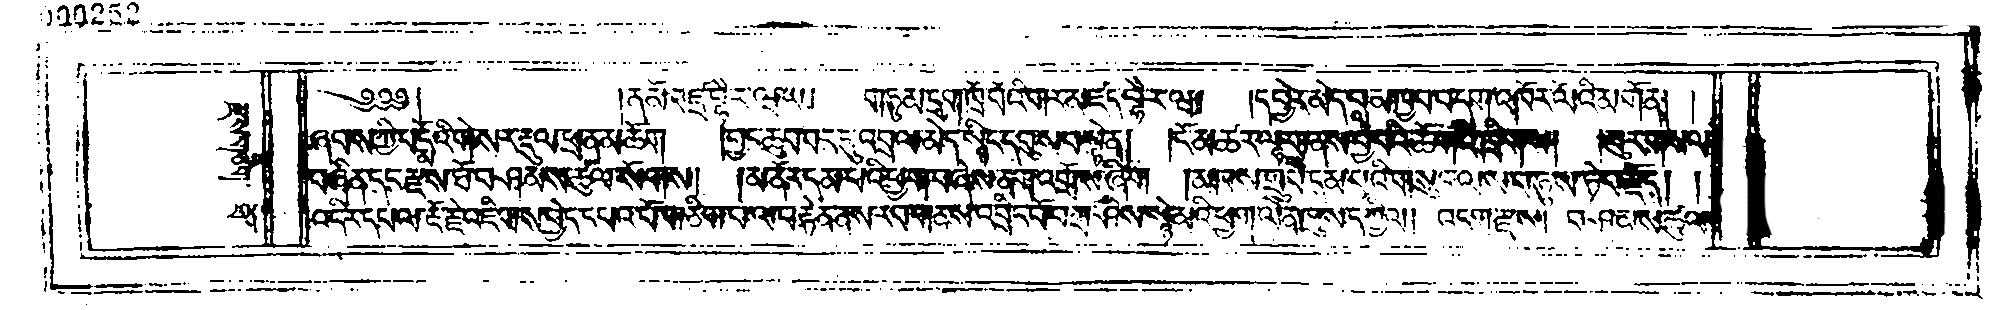༄༅༅། །ན་མོ་བཛྲ་བྷཻ་ར་ཝ་ཡ། གཏུམ་དྲག་ཁྲོ་བོའི་གར་མཛད་བྷཻ་ར་ཝ། །དབྱེར་མེད་བླ་མ་ཁྱབ་བདག་འཁོར་ལོའི་མགོན། །
ཞབས་ཀྱི་པདམོའི་གེ་སར་རྡུལ་ཕྲན་མཆོག །བྱང་ཆུབ་བར་དུ་འབྲལ་མེད་སྙིང་དབུས་བསྟེན། །ངོ་མཚར་ལྷག་གནས་བྱ་བའི་ཆོ་གའི་ཁྲིགས། །ཟུར་གསལ་
བཞིན་དང་རྫས་ཐོ་བཤམས་ཚུལ་སོགས། །མ་ནོར་དམ་པའི་ཕྱག་བཞེས་ནག་འགྲོས་ཞིག །མཁས་གྲུབ་དམ་པའི་གསུང་ལས་བཏུས་ཏེ་བརྗོད། །
འདིར་དཔལ་རྡོ་རྗེ་འཇིགས་བྱེད་དཔའ་བོ་གཅིག་པ་ལ་བརྟེན་ནས་རབ་གནས་འབྲིང་བོ་བཀྲ་ཤིས་སྙེ་མའི་ཕྱག་ལེན་ཁྲུས་དཀྱིལ། འདག་རྫས། བཤམས་ཚུལ་